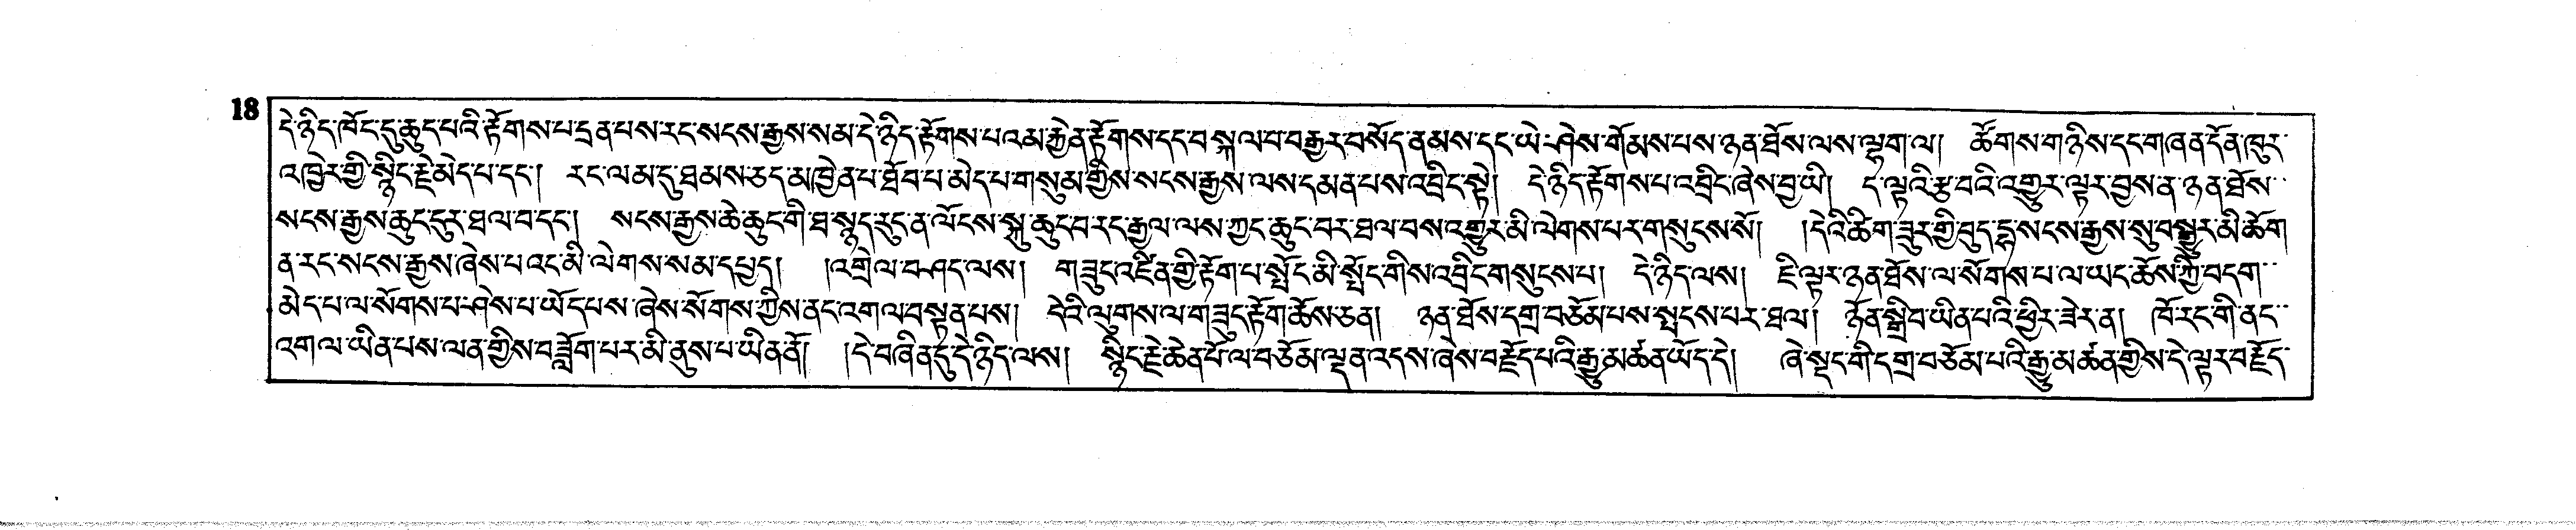དེ་ཉིད་ཁོང་དུ་ཆུད་པའི་རྟོགས་པ་དྲན་པས་རང་སངས་རྒྱས་སམ་དེ་ཉིད་རྟོགས་པའམ་རྐྱེན་རྟོགས་དང་བསྐལ་བ་བརྒྱར་བསོད་ནམས་དང་ཡེ་ཤེས་གོམས་པས་ཉན་ཐོས་ལས་ལྷག་ལ། ཚོགས་གཉིས་དང་གཞན་དོན་ཁུར་
འཁྱེར་གྱི་སྙིང་རྗེ་མེད་པ་དང་། རང་ལམ་དུ་ཐམས་ཅད་མཁྱེན་པ་ཐོབ་པ་མེད་པ་གསུམ་གྱིས་སངས་རྒྱས་ལས་དམན་པས་འབྲིང་སྟེ། དེ་ཉིད་རྟོགས་པ་འབྲིང་ཞེས་བྱ་ཡི། ད་ལྟའི་རྩ་བའི་འགྱུར་ལྟར་བྱས་ན་ཉན་ཐོས་
སངས་རྒྱས་ཆུང་ངུར་ཐལ་བ་དང་། སངས་རྒྱས་ཆེ་ཆུང་གི་ཐ་སྙད་རུང་ན་ལོངས་སྐུ་ཆུང་བ་རང་རྒྱལ་ལས་ཀྱང་ཆུང་བར་ཐལ་བས་འགྱུར་མི་ལེགས་པར་གསུངས་སོ། །དེའི་ཚིག་ཟུར་གྱི་བུད་དྷ་སངས་རྒྱས་སུ་བསྒྱུར་མི་ཆོག་
ན་རང་སངས་རྒྱས་ཞེས་པའང་མི་ལེགས་སམ་དཔྱད། །འགྲེལ་བཤད་ལས། གཟུང་འཛིན་གྱི་རྟོག་པ་སྤོང་མི་སྤོང་གིས་འབྲིང་གསུངས་པ། དེ་ཉིད་ལས། ཇི་ལྟར་ཉན་ཐོས་ལ་སོགས་པ་ལ་ཡང་ཆོས་ཀྱི་བདག་
མེད་པ་ལ་སོགས་པ་ཤེས་པ་ཡོད་པས་ཞེས་སོགས་ཀྱིས་ནང་འགལ་བསྟན་པས། དེའི་ལུགས་ལ་གཟུང་རྟོག་ཆོས་ཅན། ཉན་ཐོས་དགྲ་བཅོམ་པས་སྤངས་པར་ཐལ། ཉོན་སྒྲིབ་ཡིན་པའི་ཕྱིར་ཟེར་ན། ཁོ་རང་གི་ནང་
འགལ་ཡིན་པས་ལན་གྱིས་བཟློག་པར་མི་ནུས་པ་ཡིན་ནོ། །དེ་བཞིན་དུ་དེ་ཉིད་ལས། སྙིང་རྗེ་ཆེན་པོ་ལ་བཅོམ་ལྡན་འདས་ཞེས་བརྗོད་པའི་རྒྱུ་མཚན་ཡོད་དེ། ཞེ་སྡང་གི་དགྲ་བཅོམ་པའི་རྒྱུ་མཚན་གྱིས་དེ་ལྟར་བརྗོད་